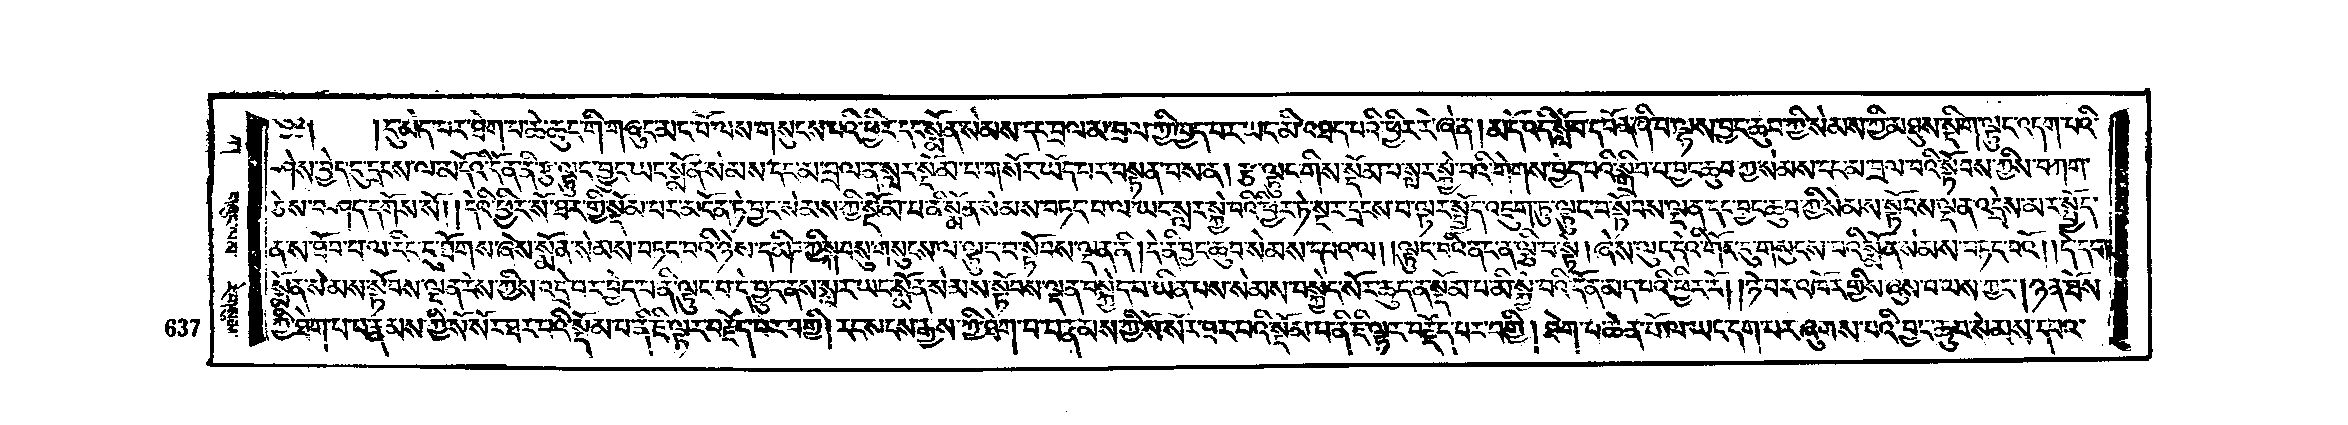༄༅། །དུ་མེད་པར་ཐེག་པ་ཆེ་ཆུང་གི་གཞུང་མང་པོ་ལས་གསུངས་པའི་ཕྱིར་དང་སྨོན་སེམས་དང་བྲལ་མ་བྲལ་ཀྱི་ཁྱད་པར་ཡང་མི་འཐད་པའི་ཕྱིར་རེ་ཞེ་ན། མདོ་འདི་སློབ་དཔོན་ཞི་བ་ལྷས་བྱང་ཆུབ་ཀྱི་སེམས་ཀྱི་མཐུས་སྡིག་ལྟུང་འདག་པའི་
ཤེས་བྱེད་དུ་དྲངས་ལ་མདོའི་དོན་ནི་རྩ་ལྟུང་བྱུང་ཡང་སྨོན་སེམས་དང་མ་བྲལ་ན་སླར་སྡོམ་པ་གསོར་ཡོད་པར་བསྟན་པས་ན། རྩ་ལྟུང་གིས་སྡོམ་པ་སླར་སྐྱེ་བའི་གེགས་བྱེད་པའི་སྒྲིབ་པ་བྱང་ཆུབ་ཀྱི་སེམས་དང་མ་བྲལ་བའི་སྟོབས་ཀྱིས་བཀག་
ཅེས་བཤད་དགོས་སོ། །དེའི་ཕྱིར་སོ་ཐར་གྱི་སྡོམ་པར་མངོན་ཏེ་བྱང་སེམས་ཀྱི་སྡོམ་པ་ནི་སྨོན་སེམས་བཏང་བ་ལ་ཡང་སླར་སྐྱེ་བའི་ཕྱིར་ཏེ་སྔར་དྲངས་པ་ལྟར་སྤྱོད་འཇུག་ཏུ་ལྟུང་བ་སྟོབས་ལྡན་དང་བྱང་ཆུབ་ཀྱི་སེམས་སྟོབས་ལྡན་འདྲེས་མར་སྤྱོད་
ན་ས་ཐོབ་པ་ལ་རིང་དུ་ཐོགས་ཞེས་སྨོན་སེམས་བཏང་བའི་ཉེས་དམིགས་ཀྱི་སྐབས་སུ་གསུངས་ལ་ལྟུང་བ་སྟོབས་ལྡན་ནི། དེ་ནི་བྱང་ཆུབ་སེམས་དཔའ་ལ། །ལྟུང་བའི་ནང་ན་ལྕི་བ་སྟེ། ཞེས་ལུང་དེའི་གོང་དུ་གསུངས་པའི་སྨོན་སེམས་བཏང་བའོ། །དེ་དག་
སྨོན་སེམས་སྟོབས་ལྡན་རེས་ཀྱིས་འདྲེ་བར་བྱེད་པ་ནི་ལྟུང་བ་དེ་བྱུང་ནས་སླར་ཡང་སྨོན་སེམས་སྟོབས་ལྡན་བསྐྱེད་པ་ཡིན་པས་སེམས་བསྐྱེད་སོར་ཆུད་ན་སྡོམ་པ་མི་སྐྱེ་བའི་དོན་མེད་པའི་ཕྱིར་རོ། །ཉེ་བར་འཁོར་གྱིས་ཞུས་བ་ལས་ཀྱང་། ཉན་ཐོས་
ཀྱི་ཐེག་པ་པ་རྣམས་ཀྱི་སོ་སོར་ཐར་པའི་སྡོམ་པ་ནི་ཇི་ལྟར་བརྗོད་པར་བགྱི། རང་སངས་རྒྱས་ཀྱི་ཐེག་པ་པ་རྣམས་ཀྱི་སོ་སོར་ཐར་པའི་སྡོམ་པ་ནི་ཇི་ལྟར་བརྗོད་པར་བགྱི། ཐེག་པ་ཆེན་པོ་ལ་ཡང་དག་པར་ཞུགས་པའི་བྱང་ཆུབ་སེམས་དཔའ་